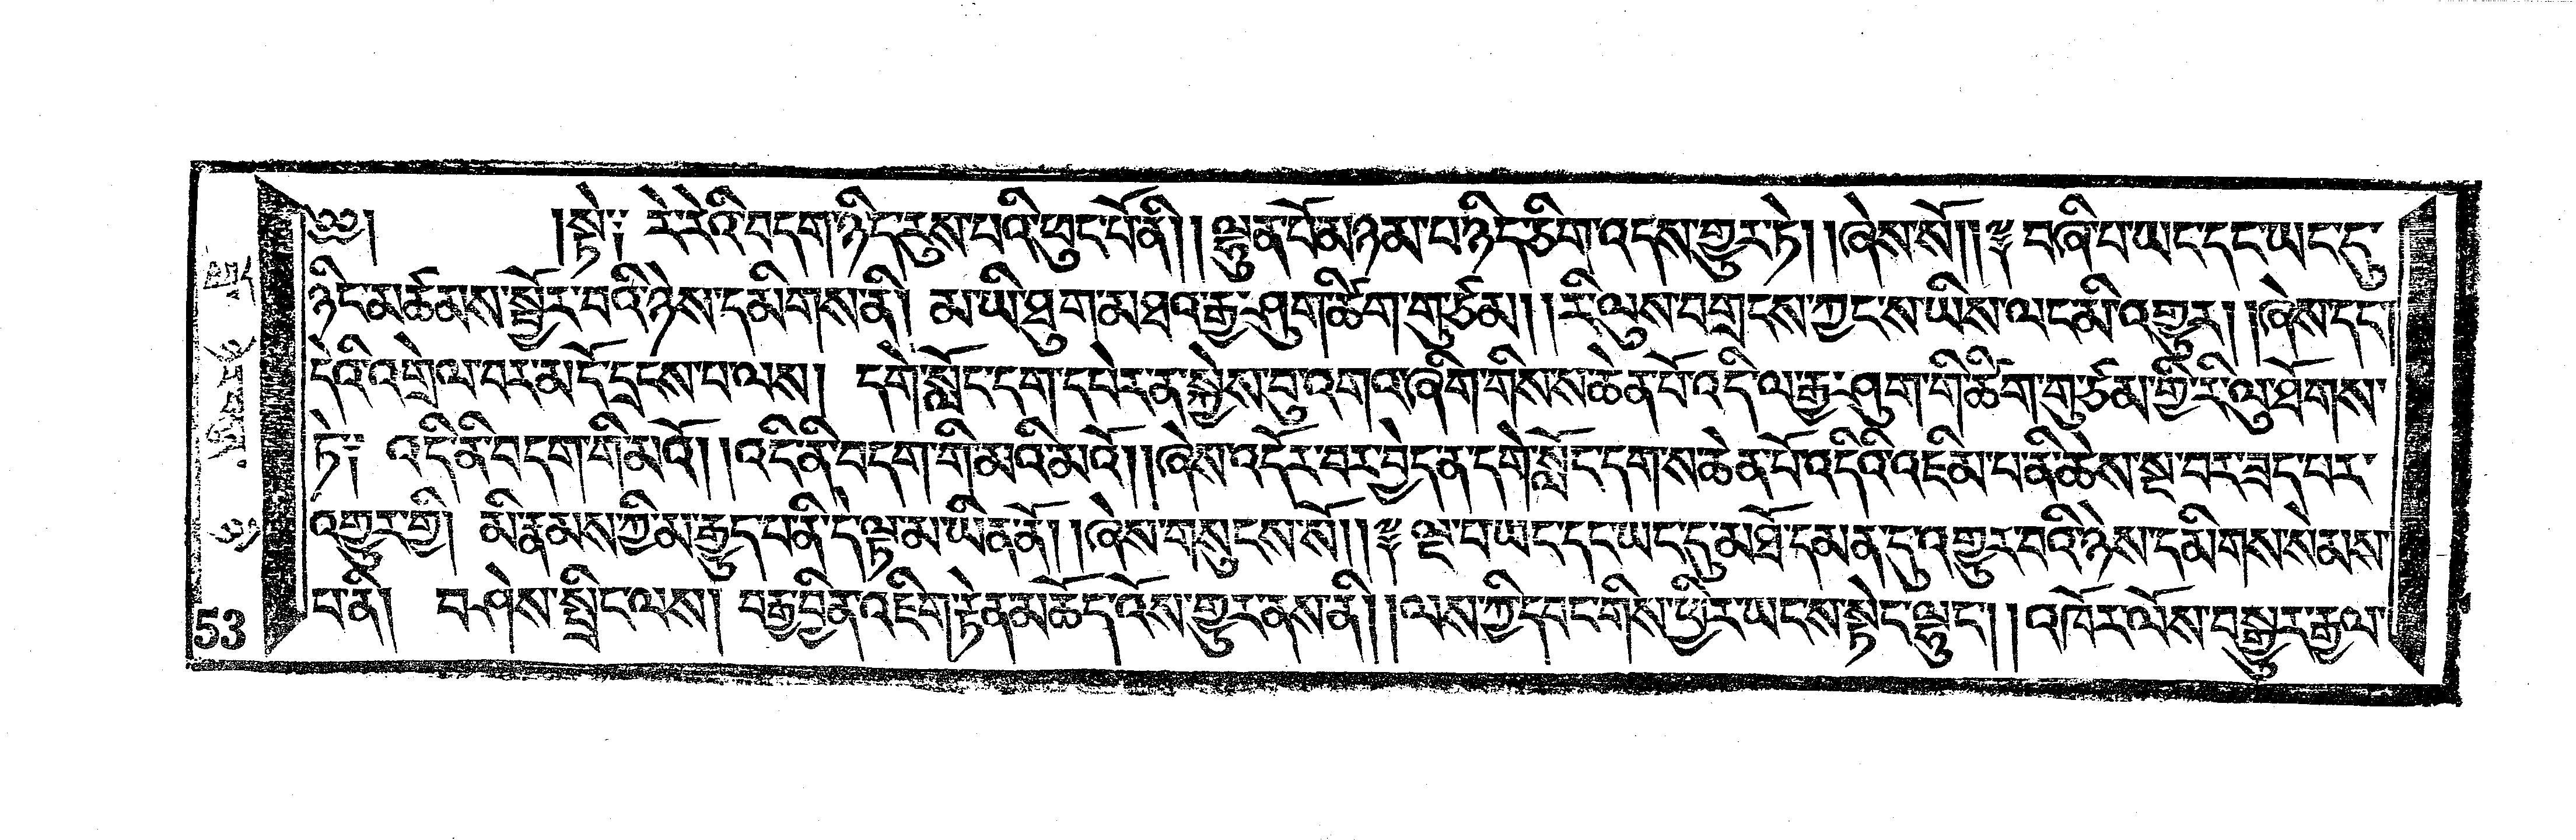༄༅། །སྟེ༑ རེ་རེའི་བདག་ཉིད་རུས་པའི་ཕུང་པོ་ནི། །ལྷུན་པོ་མཉམ་པ་ཉིད་ཅིག་འདས་གྱུར་ཏེ། །ཞེས་སོ།། ༈ བཞི་པ་ཡང་དང་ཡང་དུ་
ཉིང་མཚམས་སྦྱོར་བའི་ཉེས་དམིགས་ནི། མ་ཡི་ཐུག་མཐའ་རྒྱ་ཤུག་ཚིག་གུ་ཙམ། །རི་ལུས་བགྲངས་ཀྱང་ས་ཡིས་ལང་མི་འགྱུར། །ཞེས་དང་།
དེའི་འགྲེལ་པར་མདོ་དྲངས་པ་ལས། དགེ་སློང་དག་དཔེར་ན་སྐྱེས་བུ་འགའ་ཞིག་གིས་ས་ཆེན་པོ་འདི་ལ་རྒྱ་ཤུག་གི་ཚིག་གུ་ཙམ་གྱི་རི་ལུ་ཐོགས་
ཏེ༑ འདི་ནི་བདག་གི་མའོ། །འདི་ནི་བདག་གི་མའི་མའོ། །ཞེས་འདོར་བར་བྱེད་ན་དགེ་སློང་དག་ས་ཆེན་པོ་འདིའི་འཇིམ་པ་ནི་ཆེས་སྔ་བར་ཟད་པར་
འགྱུར་གྱི། མི་རྣམས་ཀྱི་མ་རྒྱུད་པ་ནི་དེ་ལྟ་མ་ཡིན་ནོ། །ཞེས་གསུངས་སོ།། ༈ ལྔ་པ་ཡང་དང་ཡང་དུ་མཐོ་དམན་དུ་འགྱུར་བའི་ཉེས་དམིགས་སེམས་
པ་ནི། བཤེས་སྤྲིང་ལས། བརྒྱ་བྱིན་འཇིག་རྟེན་མཆོད་འོས་གྱུར་ནས་ནི། །ལས་ཀྱི་དབང་གིས་ཕྱིར་ཡང་ས་སྟེང་ལྷུང་། །འཁོར་ལོས་བསྒྱུར་རྒྱལ་